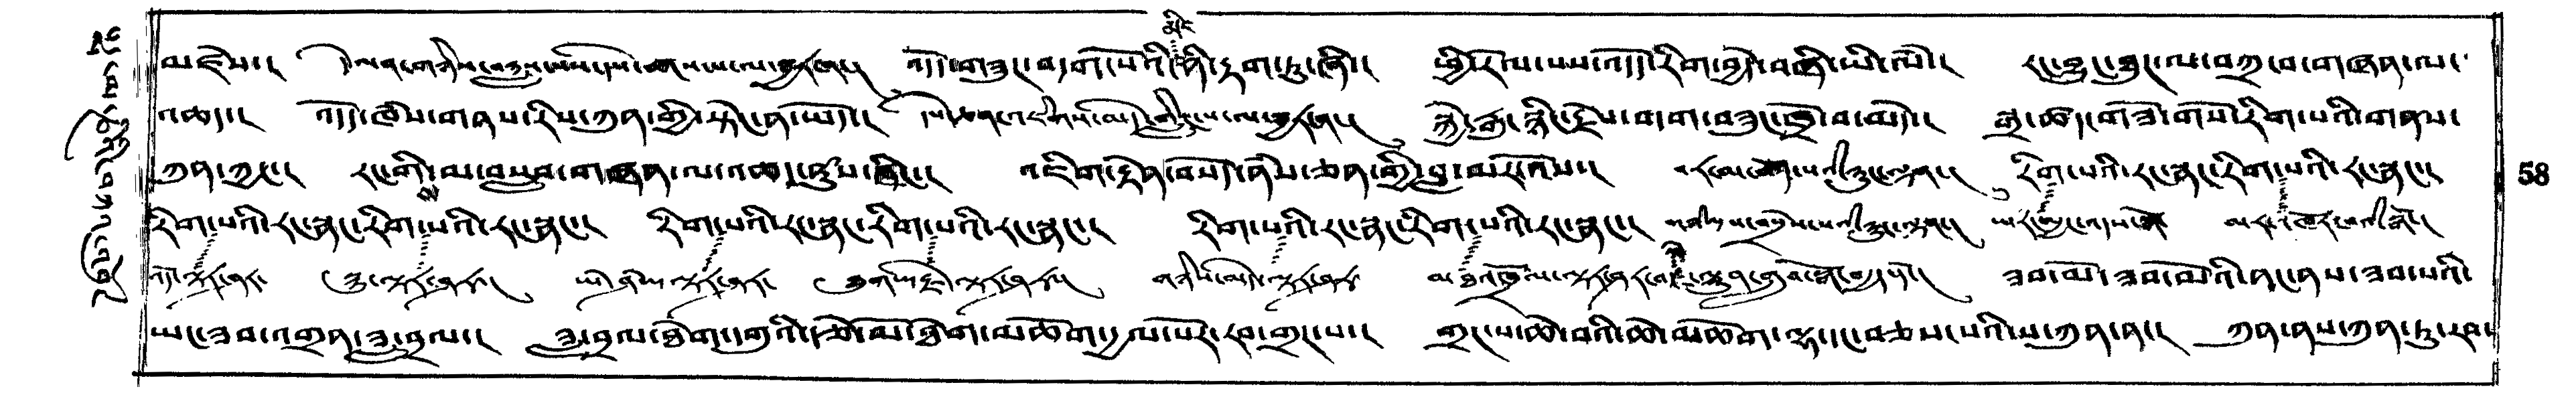མཛེས། །དེ་ལན་གཉིས་བཟླས་པས་དཔེ་ཚངས་པ་ལ་སྦྱར་ན། འདོད་གཟུགས་བདག་པོའི་མིང་ནི་རྟག་ཏུ་ཞི། །ཕྱི་རོལ་པས་འདོད་རིག་བྱེད་བཞི་ཡི་ལམ། །རང་བྱུང་ཐུགས་ལ་བཀྲ་བ་གཞན་ལ་
འཆད། །འདོད་ཁམས་གནས་རིས་ཀུན་གྱི་སྟེང་ན་ཡོད། ། དཔེ་ཅན་འཇིགས་མེད་གླིང་པ་ལ་སྦྱར་ན། སྐྱེ་རྒུ་སྙིང་རྗེས་བདག་བཟུང་ཁྲོ་བ་མེད། །སྒྲ་ཚད་གཟོ་གསོ་རིག་པའི་གནས་
ཀུན་ཀྱང་། །རང་གིས་མ་བསླབས་གཞན་ལ་འཆད་ནུས་ཞིང་། །འཇིག་རྟེན་བསོད་ནམས་ཅན་གྱི་བླ་མར་འོས། ། བར་མ་ཆོད་པའི་ཟུང་ལྡན། རིག་ཡར་མྱང་འདས་སྒོ། པའི་རང་སྣང་རིག་པའི་མར་འཁོར་བའི་སྒོ། རང་སྣང་། །
རིག་འོད་ལྟར་ཤར་པའི་རང་སྣང་རིག་སྐུ་ལྟར་ཤར་པའི་རང་སྣང་། །རིག་ཡེ་ཤེས་ལྟར་ཤར་པའི་རང་སྣང་རིག་ཐུགས་རྗེས་ལྟར་ཤར་པའི་རང་སྣང་། །རིག་གཉིས་མཻད་ལྟར་ཤར། པའི་རང་སྣང་རིག་མཐའ་གྲོལ་ལྟར་ཤར་བ་སྟེ་ལྷུན་གྲུབ་སྒོ་བརྒྱད་དོ། པའི་རང་སྣང་། ། གཉིས་པ་བསྲེས་པའི་ཟུང་ལྡན། 
ཟབ་མོ་ཟབ་མོའི་ནང་ནས་ཟབ་པའི་
ཡང་ཟབ་འགྲན་ཟླ་བྲལ། །ཟླ་བྲལ་ཐེག་དགུའི་རྩེ་མོ་ཐེག་མཆོག་རྒྱལ་པོར་རབ་གྲགས་པ། །གྲགས་པ་ཆེ་བའི་ཆེ་མཆོག་ལྷ་དང་བཅས་པའི་ས་ཀུན་ན། །ཀུན་ནས་ཀུན་ཏུ་རབ་